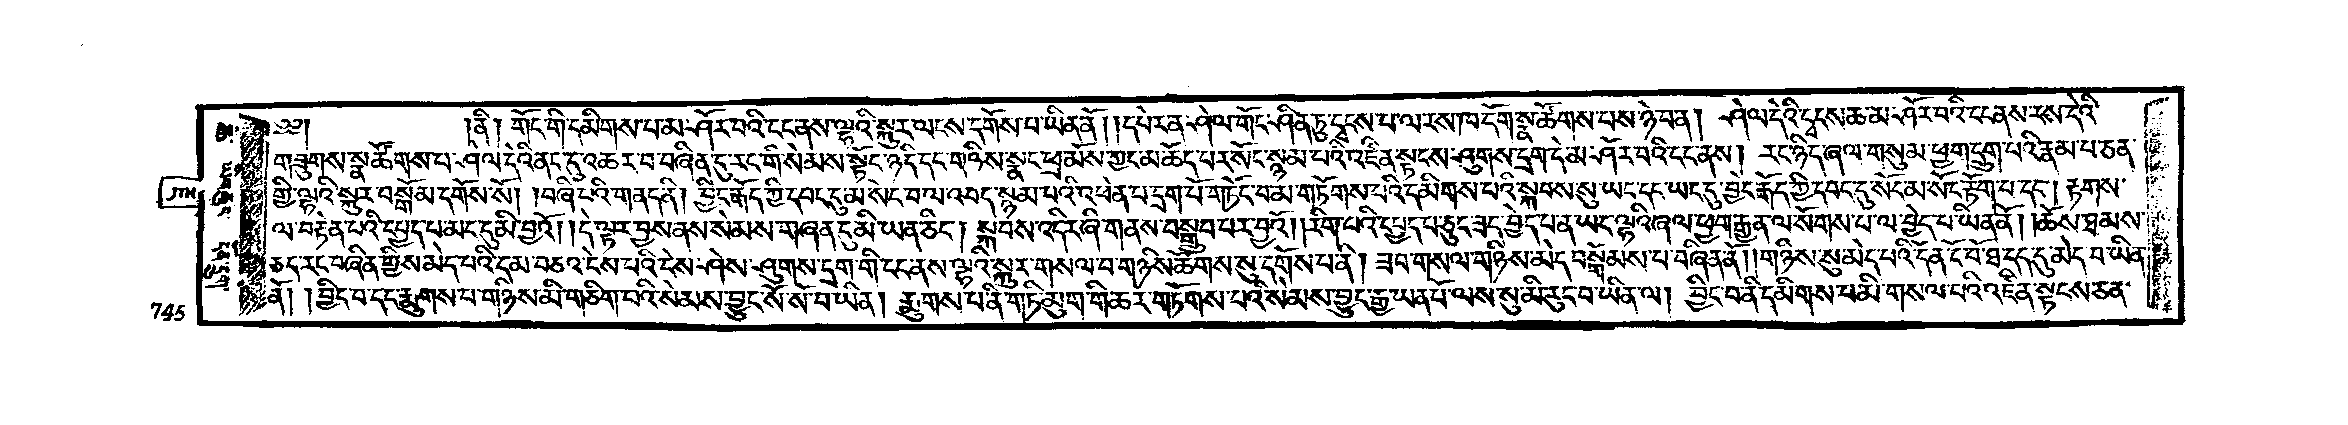༄༅། །ནི། གོང་གི་དམིགས་པ་མ་ཤོར་བའི་ངང་ནས་ལྷའི་སྐུར་ལངས་དགོས་པ་ཡིན་ནོ། །དཔེར་ན་ཤེལ་གོང་ཤིན་ཏུ་དྭངས་པ་ལ་རས་ཁ་དོག་སྣ་ཚོགས་པས་ཉེ་བ་ན། ཤེལ་དེའི་དྭངས་ཆ་མ་ཤོར་བའི་ངང་ནས་རས་དེའི་
གཟུགས་སྣ་ཚོགས་པ་ཤེལ་དེའི་ནང་དུ་འཆར་བ་བཞིན་དུ་རང་གི་སེམས་སྟོང་ཉིད་དང་གཉིས་སྣང་ཕྲ་མོས་ཀྱང་མ་ཆོད་པར་སོང་སྙམ་པའི་འཛིན་སྟངས་ཤུགས་དྲག་དེ་མ་ཤོར་བའི་ངང་ནས། རང་ཉིད་ཞལ་གསུམ་ཕྱག་དྲུག་པའི་རྣམ་པ་ཅན་
གྱི་ལྷའི་སྐུར་བསྒོམ་དགོས་སོ། །བཞི་པའི་གནད་ནི། བྱིང་རྒོད་ཀྱི་དབང་དུ་མ་སོང་བ་ལ་འབད་སྙམ་པའི་འཕེན་པ་དྲག་པོ་གཏོང་བ་མ་གཏོགས་པའི་དམིགས་པའི་སྐབས་སུ་ཡང་དང་ཡང་དུ་བྱེད་རྒོད་ཀྱི་དབང་དུ་སོང་མ་སོང་རྟོག་པ་དང་། རྟགས་
ལ་བརྟེན་པའི་དཔྱད་པ་མང་དུ་མི་བྱའོ། །དེ་ལྟར་བྱས་ནས་སེམས་གཞན་དུ་མི་ཡན་ཅིང་། སྐབས་འདིར་ཞི་གནས་བསྒྲུབ་པར་བྱའོ། །རིག་པའི་དཔྱད་པ་ཅུང་ཟད་བྱེད་པ་ན་ཡང་ལྷའི་ཞལ་ཕྱག་རྒྱན་ལ་སོགས་པ་ལ་བྱེད་པ་ཡིན་ནོ། །ཆོས་ཐམས་
ཅད་རང་བཞིན་གྱིས་མེད་པའི་དམ་བཅའ་ངེས་པའི་ངེས་ཤེས་ཤུགས་དྲག་གི་ངང་ནས་ལྷའི་སྐུར་གསལ་བ་གཉིས་ཚོགས་སུ་དགོས་པ་ནི། ཟབ་གསལ་གཉིས་མེད་བསྒོམས་པ་བཞིན་ནོ། །གཉིས་སུ་མེད་པའི་དོན་ངོ་བོ་ཐ་དད་དུ་མེད་པ་ཡིན་
ནོ། །བྱིང་བ་དང་རྨུགས་པ་གཉིས་མི་གཅིག་པའི་སེམས་བྱུང་སོ་སོ་བ་ཡིན། རྨུགས་པ་ནི་གཏི་མུག་གི་ཆར་གཏོགས་པའི་སེམས་བྱུང་རྒྱ་ཡན་པ་ལས་སུ་མི་རུང་བ་ཡིན་ལ། བྱིང་བ་ནི་དམིགས་པ་མི་གསལ་བའི་འཛིན་སྟངས་ཅན་